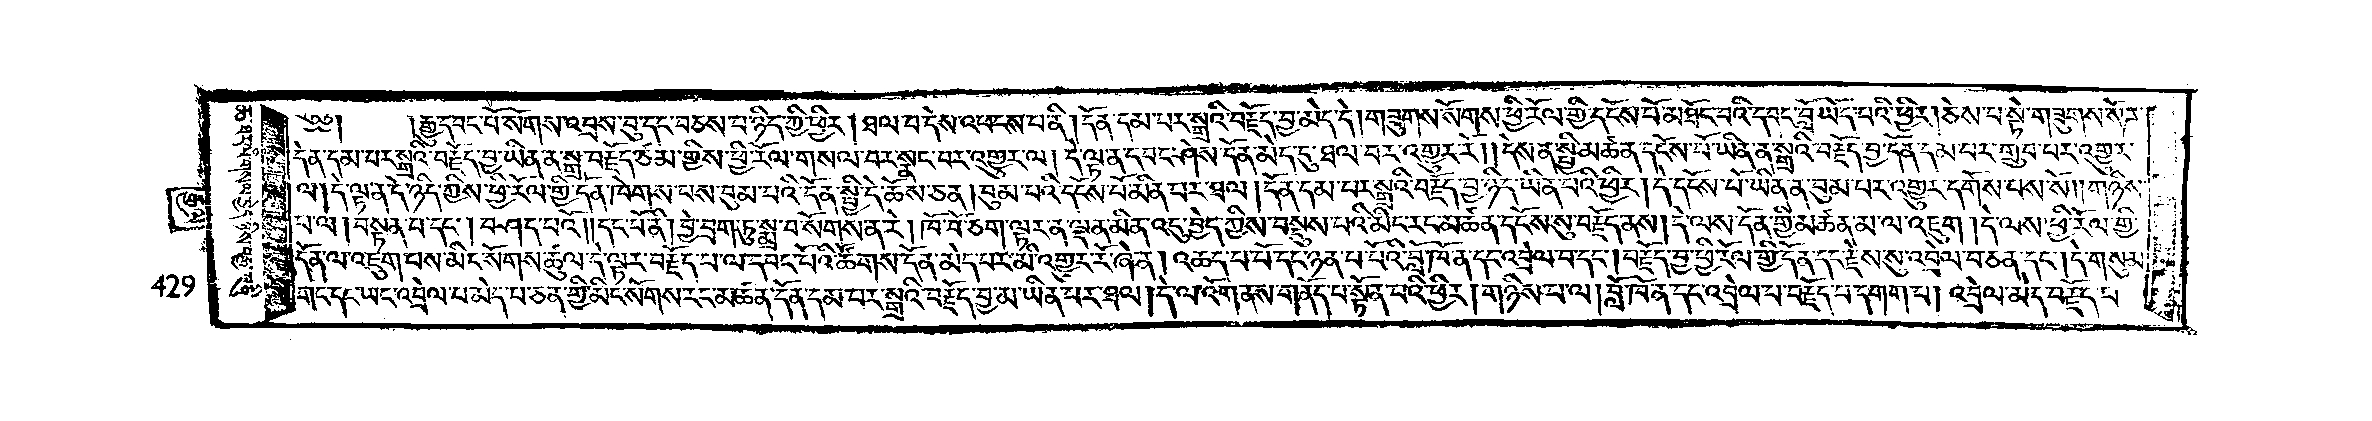༄༅། །རྒྱུ་དབང་པོ་སོགས་འབྲས་བུ་དང་བཅས་པ་ཉིད་ཀྱི་ཕྱིར། ཐལ་བ་དེས་འཕངས་པ་ནི། དོན་དམ་པར་སྒྲའི་བརྗོད་བྱ་མེད་དེ། གཟུགས་སོགས་ཕྱི་རོལ་གྱི་དངོས་པོ་མཐོང་བའི་དབང་བློ་ཡོད་པའི་ཕྱིར། ཅེས་པ་སྟེ་གཟུགས་སོཌ་
དོན་?་དམ་པར་སྒྲའི་བརྗོད་བྱ་ཡིན་ན་སྒྲ་བརྗོད་ཙམ་གྱིས་ཕྱི་རོལ་གསལ་བར་སྣང་བར་འགྱུར་ལ། དེ་ལྟ་ན་དབང་ཤེས་དོན་མེད་དུ་ཐལ་བར་འགྱུར་རོ། །དེས་ན་སྤྱི་མཚན་དངོས་པོ་ཡིན་ན་སྒྲའི་བརྗོད་བྱ་དོན་དམ་པར་གྲུབ་པར་འགྱུར་
ལ། དེ་ལྟ་ན་དེ་ཉིད་ཀྱིས་ཕྱི་རོལ་གྱི་དོན་ཁེགས་པས་བུམ་པའི་དོན་སྤྱི་དེ་ཆོས་ཅན། བུམ་པའི་དངོས་པོ་མིན་པར་ཐལ། དོན་དམ་པར་སྒྲའི་བརྗོད་བྱ་ཉིད་ཡིན་པའི་ཕྱིར། དེ་དངོས་པོ་ཡིན་ན་བུམ་པར་འགྱུར་དགོས་པས་སོ། །གཉིས་
པ་ལ། བསྟན་པ་དང་། བཤད་པའོ། །དང་པོ་ནི། བྱེ་བྲག་ཏུ་སྨྲ་བ་སོགས་ན་རེ། ཁོ་བོ་ཅག་ལྟར་ན་ལྡན་མིན་འདུ་བྱེད་ཀྱིས་བསྡུས་པའི་མིང་རང་མཚན་དངོས་སུ་བརྗོད་ནས། དེ་ལས་དོན་གྱི་མཚན་མ་ལ་འཇུག །དེ་ལས་ཕྱི་རོལ་གྱི་
དོན་ལ་འཇུག་པས་མིང་སོགས་ཚུལ་དེ་ལྟར་བརྗོད་པ་ལ་དབང་པོའི་ཚོགས་དོན་མེད་པར་མི་འགྱུར་རོ་ཞེ་ན། འཆད་པ་པོ་དང་ཉན་པ་པོའི་བློ་ཁོ་ན་དང་འབྲེལ་བ་དང་། བརྗོད་བྱ་ཕྱི་རོལ་གྱི་དོན་དང་རྗེས་སུ་འབྲེལ་བ་ཅན་དང་། དེ་གསུམ་
གང་དང་ཡང་འབྲེལ་པ་མེད་པ་ཅན་གྱི་མིང་སོགས་རང་མཚན་དོན་དམ་པར་སྒྲའི་བརྗོད་བྱ་མ་ཡིན་པར་ཐལ། དེ་ལ་འོག་ནས་གནོད་པ་སྟོན་པའི་ཕྱིར། གཉིས་པ་ལ། བློ་ཁོ་ན་དང་འབྲེལ་པ་བརྗོད་པ་དགག་པ། འབྲེལ་མེད་བརྗོད་པ་